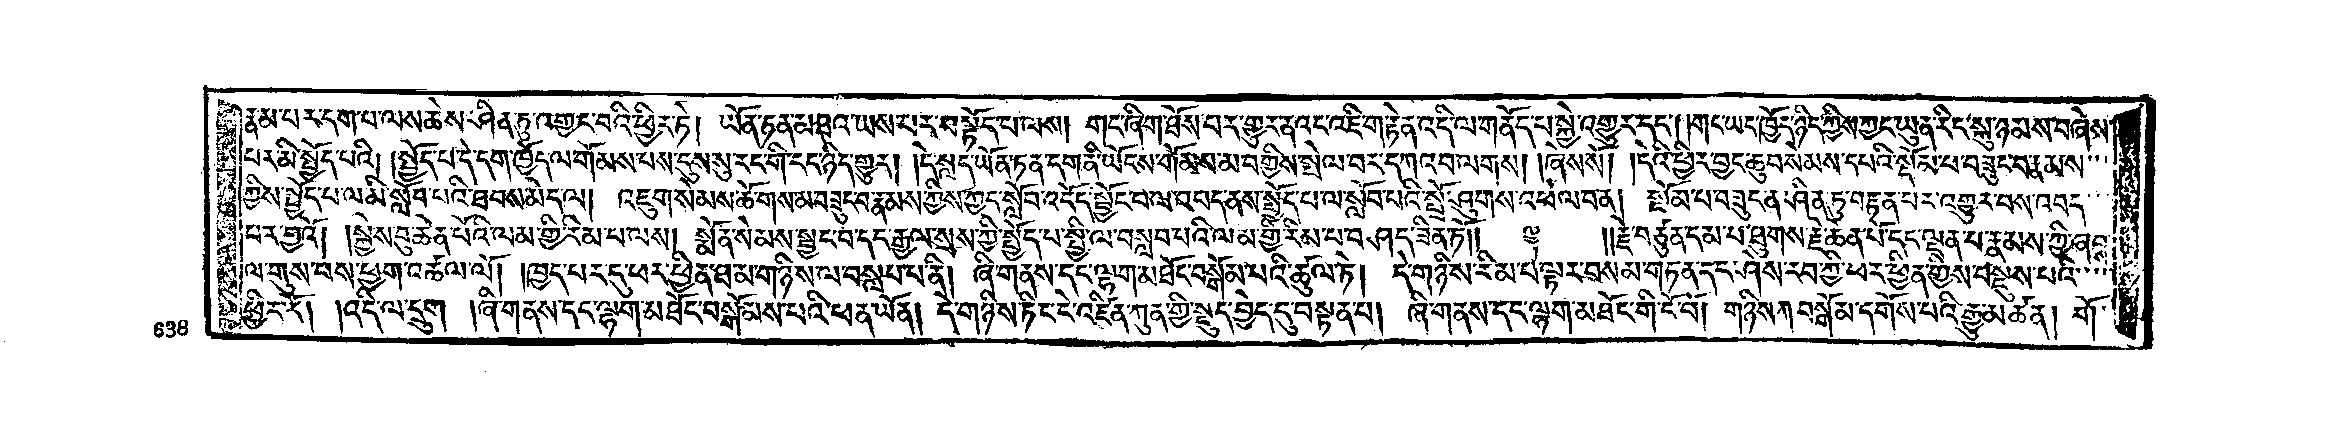རྣམ་པར་དག་པ་ལས་ཆེས་ཤིན་ཏུ་འགྱང་བའི་ཕྱིར་ཏེ། ཡོན་ཏན་མཐའ་ཡས་པར་བསྟོད་པ་ལས། གང་ཞིག་ཐོས་པར་གྱུར་ནའང་འཇིག་རྟེན་འདི་ལ་གནོད་པ་སྐྱེ་འགྱུར་དང་། །གང་ཡང་ཁྱོད་ཉིད་ཀྱིས་ཀྱང་ཡུན་རིང་སྐུ་ཉམས་བཞེས་
པར་མི་སྤྱོད་པའི། །སྤྱོད་པ་དེ་དག་ཁྱོད་ལ་གོམས་པས་དུས་སུ་རང་གི་ངང་ཉིད་གྱུར། །དེ་སླད་ཡོན་ཏན་དག་ནི་ཡོངས་གོམས་མ་བགྱིས་སྤེལ་བར་དཀའ་བ་ལགས། །ཞེས་སོ། །དེའི་ཕྱིར་བྱང་ཆུབ་སེམས་དཔའི་སྡོམ་པ་བཟུང་བ་རྣམས་
ཀྱིས་སྤྱོད་པ་ལ་མི་སློབ་པའི་ཐབས་མེད་ལ། འཇུག་སེམས་ཆོགས་མ་བཟུང་བ་རྣམས་ཀྱིས་ཀྱང་སློབ་འདོད་སྦྱོང་བ་ལ་འབད་ནས་སྤྱོད་པ་ལ་སློབ་པའི་སྤྲོ་ཤུགས་འཕེལ་བ་ན། སྡོམ་པ་བཟུང་ན་ཤིན་ཏུ་བརྟན་པར་འགྱུར་བས་འབད་
པར་བྱའོ། །སྐྱེས་བུ་ཆེན་པོའི་ལམ་གྱི་རིམ་པ་ལས། སྨོན་སེམས་སྦྱང་བ་དང་རྒྱལ་སྲས་ཀྱི་སྤྱོད་པ་སྤྱི་ལ་བསླབ་པའི་ལམ་གྱི་རིམ་པ་བཤད་ཟིན་ཏོ།། ༈ །།རྗེ་བཙུན་དམ་པ་ཐུགས་རྗེ་ཆེན་པོ་དང་ལྡན་པ་རྣམས་ཀྱི་ཞབས་
ལ་གུས་པས་ཕྱག་འཚལ་ལོ། །ཁྱད་པར་དུ་ཕར་ཕྱིན་ཐ་མ་གཉིས་ལ་བསླབ་པ་ནི། ཞི་གནས་དང་ལྷག་མཐོང་བསྒོམ་པའི་ཚུལ་ཏེ། དེ་གཉིས་རིམ་པ་ལྟར་བསམ་གཏན་དང་ཤེས་རབ་ཀྱི་ཕར་ཕྱིན་གྱིས་བསྡུས་པའི་
ཕྱིར་རོ། །འདི་ལ་དྲུག །ཞི་གནས་དང་ལྷག་མཐོང་བསྒོམས་པའི་ཕན་ཡོན། དེ་གཉིས་ཏིང་ངེ་འཛིན་ཀུན་གྱི་སྡུད་བྱེད་དུ་བསྟན་པ། ཞི་གནས་དང་ལྷག་མཐོང་གི་ངོ་བོ། གཉིས་ཀ་བསྒོམ་དགོས་པའི་རྒྱུ་མཚན། གོ་